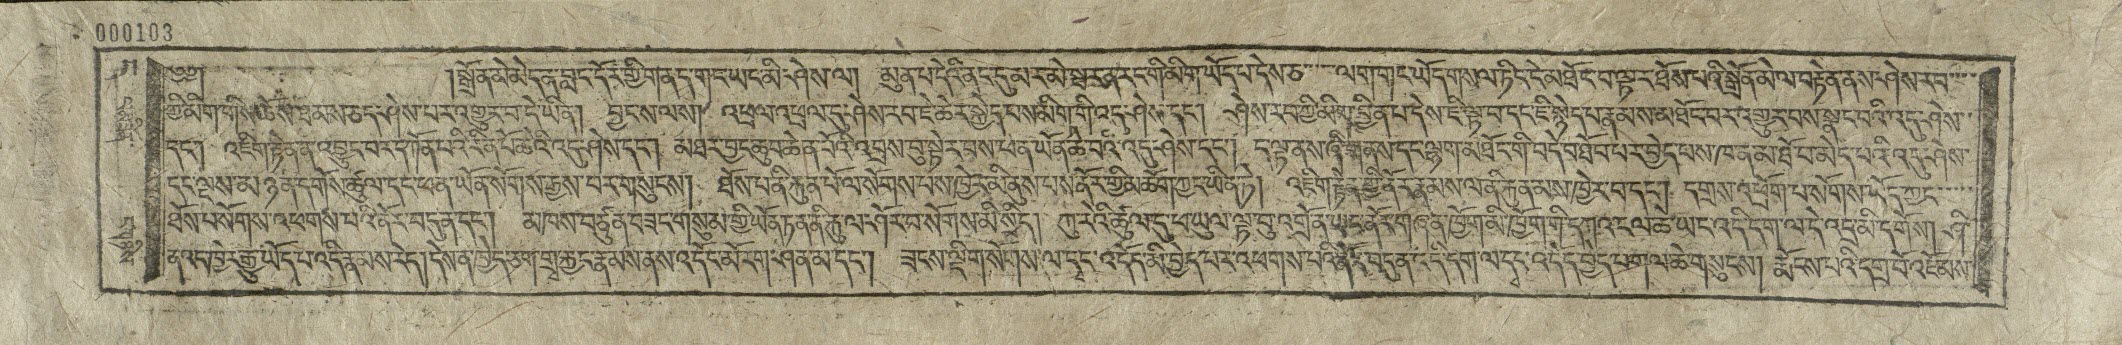༄༅། །སྒྲོན་མེ་མེད་ན་བླང་དོར་གྱི་གནད་གང་ཡང་མི་ཤེས་ལ། མུན་པ་དེའི་ནང་དུ་མར་མེ་སྦར་ན་རང་གི་མིག་ཡོད་པ་དེས་ཅ་ལག་གང་ཡོད་གསལ་ཏིང་ངེ་མཐོང་བ་ལྟར་ཐོས་པའི་སྒྲོན་མེ་ལ་བརྟེན་ནས་ཤེས་རབ་
ཀྱི་མིག་གིས་ཆོས་ཐམས་ཅད་ཤེས་པར་འགྱུར་བ་དེ་ཡིན། བྱང་ས་ལས། འཕྲལ་འཕྲལ་དུ་ཤེས་རབ་ཇེ་ཆེར་སྐྱེད་པས་མིག་གི་འདུ་ཤེས་དང་། ཤེས་རབ་ཀྱི་མིག་བྱིན་པ་དེས་ཇི་ལྟ་བ་དང་ཇི་སྙེད་པ་རྣམས་མཐོང་བར་འགྱུར་བས་སྣང་བའི་འདུ་ཤེས་
དང་། འཇིག་རྟེན་ན་འབྱུང་བར་དཀོན་པའི་རིན་པོ་ཆེའི་འདུ་ཤེས་དང་། མཐར་བྱང་ཆུབ་ཆེན་པོའི་འབྲས་བུ་སྟེར་བས་ཕན་ཡོན་ཆེ་བའི་འདུ་ཤེས་དང་། ད་ལྟ་ནས་ཞི་གནས་དང་ལྷག་མཐོང་གི་བདེ་བ་ཐོབ་པར་བྱེད་པས་ཁ་ན་མ་ཐོ་བ་མེད་པའི་འདུ་ཤེས་
དང་ལྔས་མཉན་དགོས་ཚུལ་དང་ཕན་ཡོན་སོགས་རྒྱས་པར་གསུངས། ཐོས་པ་ནི་རྐུན་པོ་ལ་སོགས་པས་ཁྱེར་མི་ནུས་པས་ནོར་གྱི་མཆོག་ཀྱང་ཡིན་ཏེ། འཇིག་རྟེན་གྱི་ནོར་རྣམས་ལ་ནི་རྐུན་མས་ཁྱེར་བ་དང་། དགྲས་འཕྲོག་པ་སོགས་ཡོད་ཀྱང་
ཐོས་པ་སོགས་འཕགས་པའི་ནོར་བདུན་དང་། མཁས་བཙུན་བཟང་གསུམ་གྱི་ཡོན་ཏན་ནི་རྐུ་ལ་ཤོར་བ་སོགས་མི་སྲིད། ཀུ་རེའི་ཚུལ་དུ་ཕ་ཡུལ་ལྟ་བུ་འགྲོ་ན་ཡང་ནོར་གཞན་ཁྱོག་མི་ཁྱོག་གི་དཀའ་ངལ་ཆེ་ཡང་འདི་དག་ལ་དེ་འདྲ་མི་དགོས། ཤི་
ནའང་ཁྱེར་རྒྱུ་ཡོད་པ་འདི་རྣམས་རེད། དེས་ན་ཁྱེད་ཅག་གྲྭ་རྐྱང་རྣམས་ནས་འདོང་མོ་རག་ཤན་མ་དང་། ཟངས་ལྡིག་སོགས་ལ་དྭང་འདོད་མི་བྱེད་པར་འཕགས་པའི་ནོར་བདུན་འདི་དག་ལ་དྭང་འདོད་བྱེད་པ་གལ་ཆེ་གསུངས། རྨོངས་པའི་དགྲ་པོ་འཇོམས་